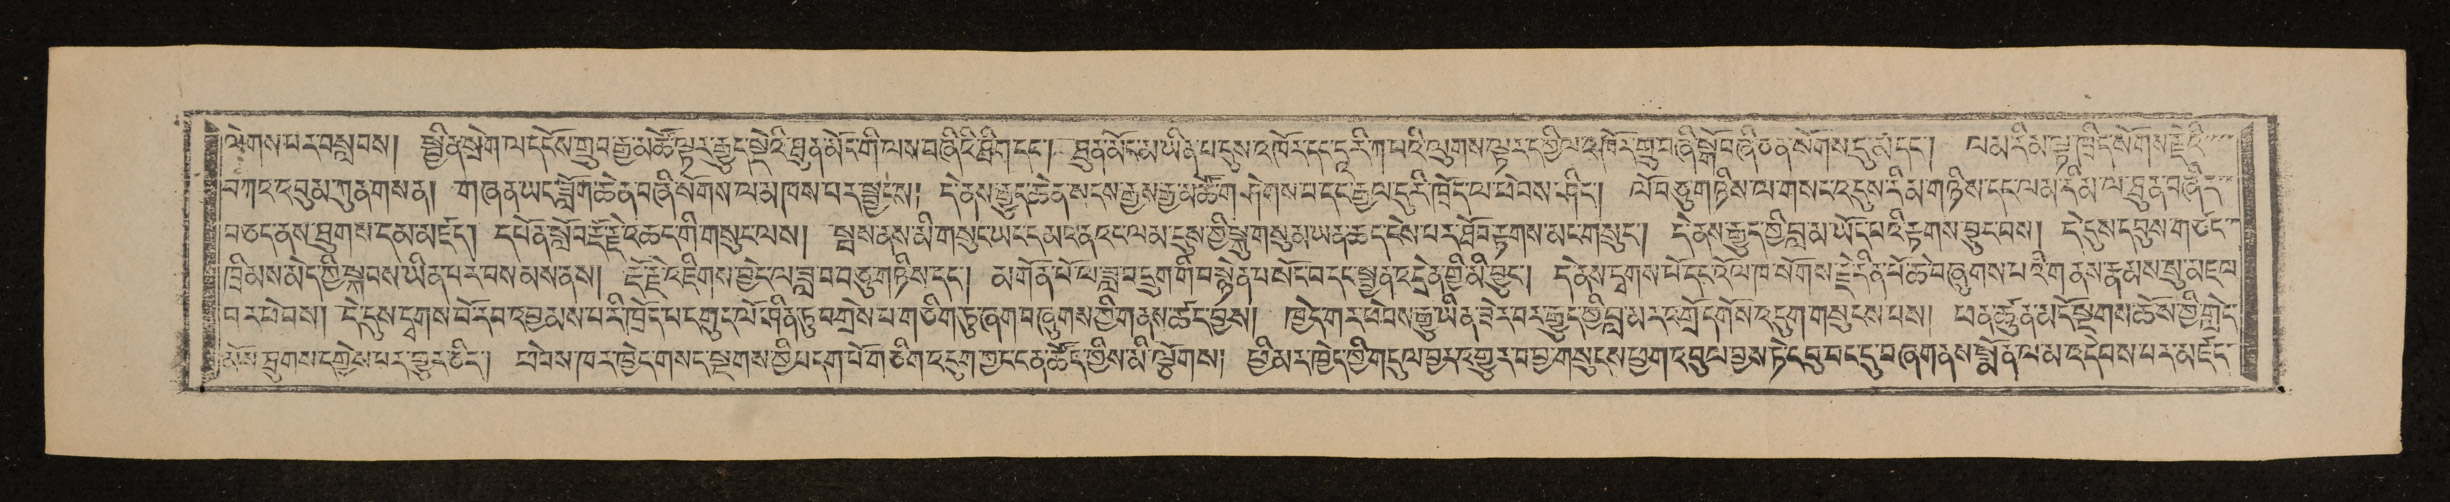ལེགས་པར་བསླབས། སྦྱིན་སྲེག་ལ་དངོས་གྲུབ་རྒྱ་མཚོ་ལྟར་རྒྱུད་སྡེའི་ཐུན་མོང་གི་ལས་བཞིའི་ཐིག་དང་། ཐུན་མོང་མ་ཡིན་པ་དུས་འཁོར་དང་དཱ་རི་ཀ་བའི་ལུགས་ལྟར་དཀྱིལ་འཁོར་གྲུ་བཞི་སྒོ་བཞི་ཅན་སོགས་དུ་མ་དང་། ལམ་རིམ་ལྟ་ཁྲིད་སོགས་རྗེའི་
བཀའ་འབུམ་ཀུན་གསན། གཞན་ཡང་ཟློག་ཆེན་བཞི་སོགས་ལ་མཁས་པར་སྦྱངས། དེ་ནས་རྒྱུད་ཆེན་སངས་རྒྱས་རྒྱ་མཚོ་གཤེགས་པ་དང་རྒྱལ་དུ་རི་ཁྲོད་ལ་ཕེབས་ཤིང་། ལོ་བཅུ་གཉིས་ལ་གསང་འདུས་རིམ་གཉིས་དང་ལམ་རིམ་ལ་ཐུན་བཞིར་
བཅད་ནས་ཐུགས་དམ་མཛད། དཔོན་སློབ་རྡོ་རྗེ་འཆང་གི་གསུང་ལས། སྦས་ནས་མི་གསུང་ཡང་དམའ་ནའང་ལམ་དུས་ཀྱི་སྐུ་གསུམ་ཡན་ཆད་ངེས་པར་ཐོབ་རྟགས་མང་གསུང་། དེ་ནས་རྒྱུད་ཀྱི་བླ་མ་ཡོད་པའི་རྟགས་བྱུང་བས། དེ་དུས་དབུས་གཙང་
ཁྲིམས་མེད་ཀྱི་སྐབས་ཡིན་པར་བསམས་ནས། རྡོ་རྗེ་འཇིགས་བྱེད་ལ་ཟླ་བ་བཅུ་གཉིས་དང་། མགོན་པོ་ལ་ཟླ་བ་དྲུག་གི་བསྙེན་པ་སོང་བ་དང་སྤྱན་འདྲེན་གྱི་མི་བྱུང་། དེ་ནས་དྭགས་པོ་དང་འོལ་ཁ་སོགས་རྗེ་རིན་པོ་ཆེ་བཞུགས་པའི་གནས་རྣམས་སུ་མཇལ་
བར་ཕེབས། དེ་དུས་དྭགས་པོ་རབ་འབྱམས་པ་རི་ཁྲོད་པ་དགུང་ལོ་ཤིན་ཏུ་བགྲེས་པ་གཅིག་ཏུ་ཞག་བཞུགས་ཀྱི་གནས་ཚང་བྱས། ཁྱེད་གར་ཕེབས་རྒྱུ་ཡིན་ཟེར་བར་རྒྱུད་ཀྱི་བླ་མར་འཕྲོ་དགོས་འདུག་གསུངས་པས། ཕན་ཚུན་མདོ་སྔགས་ཆོས་ཀྱི་གླེང་
མོས་ཐུགས་དགྱེས་པར་གྱུར་ཅིང་། ཕེབས་ཁར་ཁྱེད་གསང་སྔགས་ཀྱི་བདག་པོ་གཅིག་འདུག་ཀྱང་ངན་ཚོད་ཀྱིས་མི་ལྕོགས། ཕྱི་མར་ཁྱེད་ཀྱི་གདུལ་བྱར་འགྱུར་བ་བྱ་གསུངས་ཕྱག་འབུལ་བྱས་ཏེ་དབུ་བང་དུ་བཞག་ནས་སྨོན་ལམ་འདེབས་པར་མཛད་